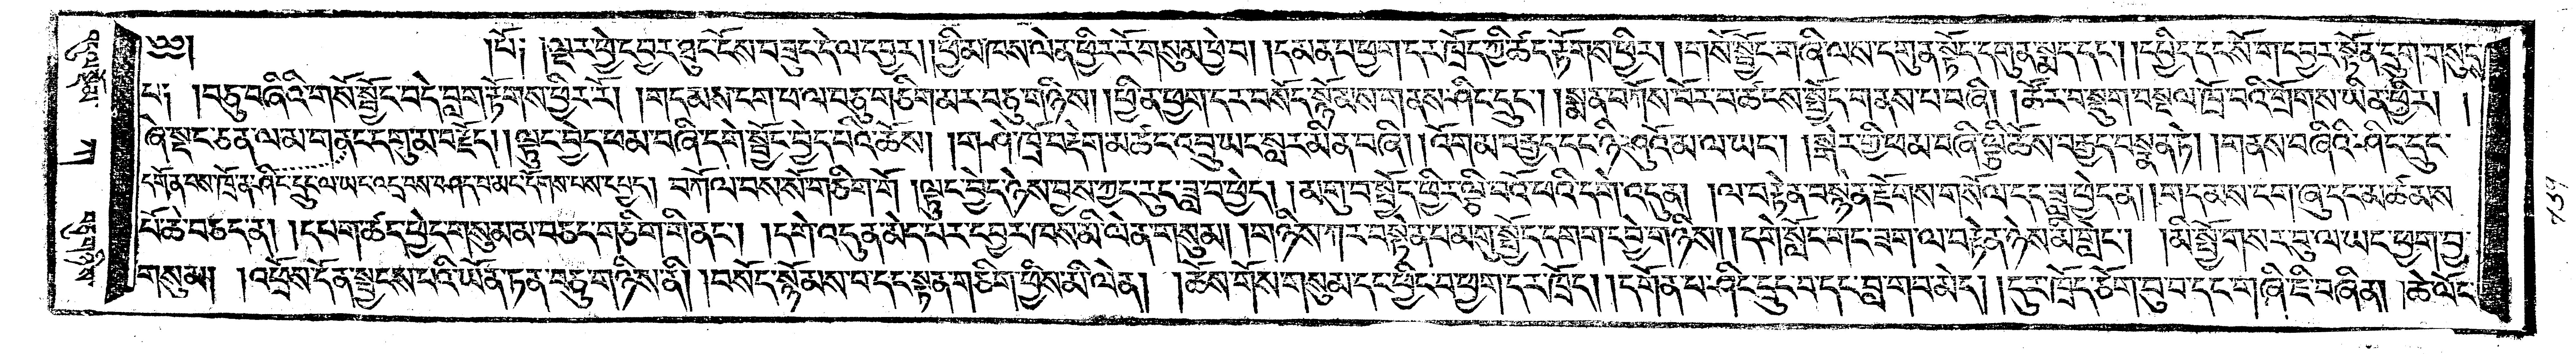༄༅། །པོ༑ །ལྔར་ཕྱེ་དབྱར་ཐུང་ངོས་བཟུང་དེ་ལ་དབྱར། །ཕྱི་མ་ཁས་ལེན་ཕྱིར་རོ་གསུམ་ཕྱེ་བ། །དམན་པ་ཕྱག་དར་ཁྲོད་ཀྱི་ཚད་རྟོགས་ཕྱིར། །གསོ་སྦྱོང་གཞི་ལས་དགུན་སྟོང་དགུན་སྟོང་མད་དང་། །དཔྱིད་དང་སོ་གང་བྱར་སྟོན་དྲུག་གསུངས་
པ༑ །བཅུ་བཞིའི་གོས་སྦྱོང་བདེ་བླ་གྲྟོགས་ཕྱིར་རོ། །གདམས་ངག་པ་ལ་བཅུ་གཅིག་མར་བཅུ་གཉིས། །ཕྱི་ན་ཕྱག་དར་བསོད་སྙོམས་གནས་ཤིང་དྲུང་། །སྨན་བཀོས་བོར་བ་ཚངས་སྤྱོད་གནས་པ་བཞི། །ཚོར་བ་སྡུག་བསྔལ་ཁྲོ་བའི་གྲོགས་ཡིན་ཕྱིར། །
ཞེ་སྡང་ཅན་ལ་མ་གནང་དགུ་མ་བརྗོད། །ལྟུང་བྱེད་ཕམ་བཞི་དགེ་སྦྱོང་བྱེད་པའི་ཆོས། །གཤེ་ཁྲོ་བརྡེག་མཚང་འབྲུ་ཡང་སླར་མིན་བཞི། །འོག་མ་བརྒྱད་དང་ཉི་ཤུའོ་མ་ལ་ཡང་། །སྒེར་གྱི་ཕམ་བཞི་ལྕི་ཆོས་བརྒྱད་བསྣན་ཏེ། །གནས་བཞིའི་ཤིང་དྲུང་
དགོན་པས་ཁྲོ་ན་ཤིང་དྲུང་ལ་ཡང་འདྲ་བས་བཤད་པ་མང་དོགས་པས་དཔྱད། བཀོལ་བས་སོ་གཅིག་གོ །ལྟུང་བྱེད་ཉེས་བྱས་ཀྱང་རུང་ཟླ་བ་ཕྱེད། །མགུ་བ་སྤྱོད་ཕྱིར་ལྕི་བའོ་ཕའི་དགེ་འདུན། །ལ་བརྟེན་བསྙེན་རྗོགས་གསོལ་དང་ཟླ་ཕྱེད་ན། །གདམས་ངག་ཞུང་ངམ་མཚམས་
པོ་ཆེ་བཅད་ན། །དཔག་ཚད་ཕྱེད་གསུམ་མ་བཅད་གཅིག་གི་ནང་། །དགེ་འདུན་མེད་པར་དབྱར་ཁས་མི་ལེན་གསུམ། །གཉིས་ཀར་བསྟེན་པ་མགུ་སྤྱོད་དགག་དབྱེ་གཉིས། །དགེ་སློང་གང་ཟག་ལ་བརྟེན་ཉེས་མ་གླེང་། །མི་སྤྱོ་གསར་བུ་ལ་ཡང་ཕྱག་བྱ་
གསུམ། །འཕྲོས་དོན་སྦྱངས་པའི་ཡོན་ཏན་བཅུ་གཉིས་ནི། །བསོད་སྙོམས་པ་དང་སྟན་གཅིག་ཕྱིས་མི་ལེན། །ཆོས་གོས་གསུམ་དང་ཕྱིང་བ་ཕྱག་དར་ཁྲོད། །དགོན་བ་ཤིང་དྲུང་བ་དང་བླ་གབ་མེད། །དུར་ཁྲོད་ཅོག་བུ་བ་དང་གཞི་ཇི་བཞིན། །ཆེ་ལོང་